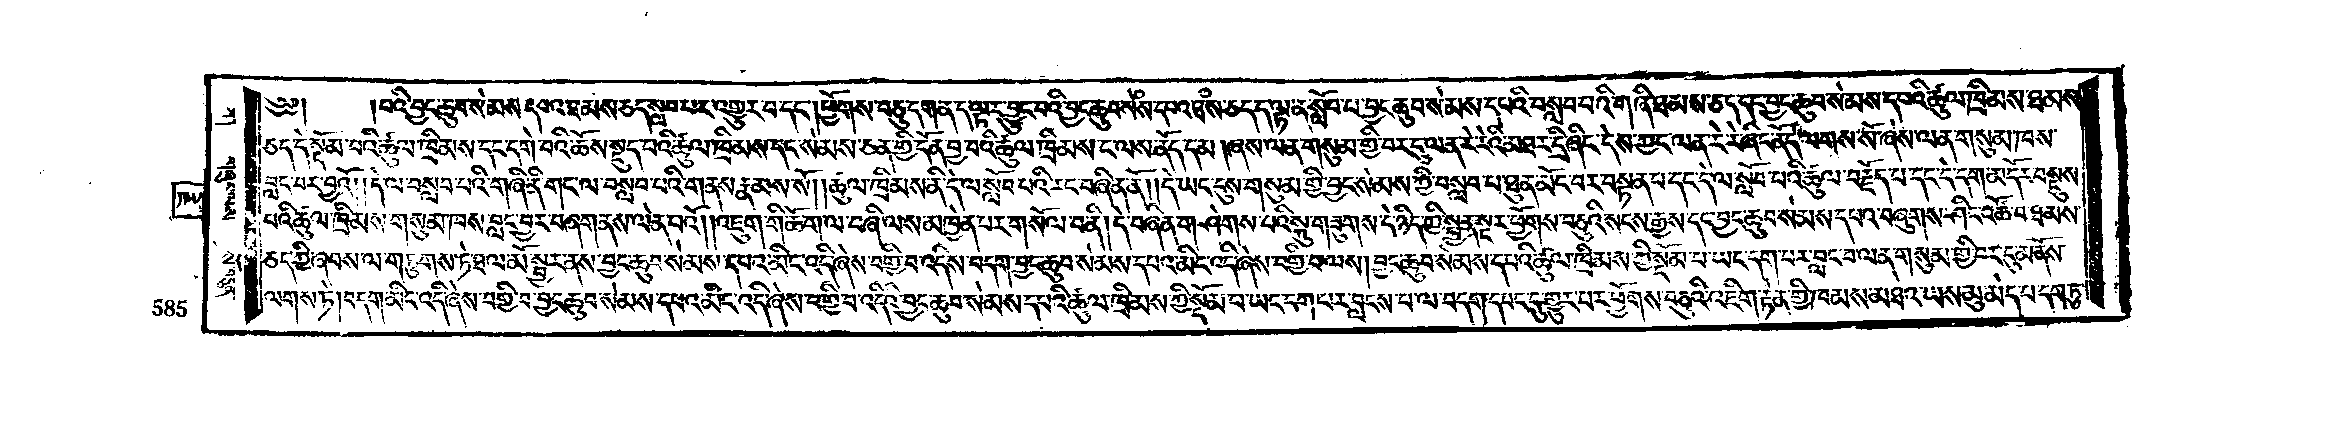༄༅། །པའི་བྱང་ཆུབ་སེམས་དཔའ་ཐམས་ཅད་སླབ་པར་འགྱུར་བ་དང་། ཕྱོགས་བཅུ་དག་ན་ད་ལྟར་བྱུང་བའི་བྱང་ཆུབ་སེམས་དཔའ་ཐམས་ཅད་ད་ལྟ་ན་སློབ་པ་བྱང་ཆུབ་སེམས་དཔའི་བསླབ་པའི་གཞི་ཐམས་ཅད་དང་བྱང་ཆུབ་སེམས་དཔའི་ཚུལ་ཁྲིམས་ཐམས་
ཅད་དེ་སྡོམ་པའི་ཚུལ་ཁྲིམས་དང་དགེ་བའི་ཆོས་སྡུད་པའི་ཚུལ་ཁྲིམས་དང་སེམས་ཅན་གྱི་དོན་བྱ་བའི་ཚུལ་ཁྲིམས་ང་ལས་ནོད་དམ། ཞས་ལན་གསུམ་གྱི་བར་དུ་ལན་རེ་རེའི་མཐར་དྲི་ཞིང་དེས་ཀྱང་ལན་རེ་རེ་ཞིང་ནོད་ལགས་སོ་ཞེས་ལན་གསུམ་ཁས་
བླང་པར་བྱའོ། །དེ་ལ་བསླབ་པའི་གཞི་ནི་གང་ལ་བསླབ་པའི་གནས་རྣམས་སོ། །ཚུལ་ཁྲིམས་ནི་དེ་ལ་སློབ་པའི་རང་བཞིན་ནོ། །དེ་ཡང་དུས་གསུམ་གྱི་བྱང་སེམས་ཀྱི་བསླབ་པ་ཐུན་མོང་བར་བསྟན་པ་དང་དེ་ལ་སློབ་པའི་ཚུལ་བརྗོད་པ་དང་དེ་དག་མདོར་བསྡུས་
པའི་ཚུལ་ཁྲིམས་གསུམ་ཁས་བླང་བྱར་བཞག་ནས་ལེན་པའོ། །འཇུག་གི་ཆོ་ག་ལ་བཞི་ལས་མཁྱེན་པར་གསོལ་བ་ནི། དེ་བཞིན་གཤེགས་པའི་སྐུ་གཟུགས་དེ་ཉིད་ཀྱི་སྤྱན་སྔར་ཕྱོགས་བཅུའི་སངས་རྒྱས་དང་བྱང་ཆུབ་སེམས་དཔའ་བཞུགས་ཤིང་འཚོ་བ་ཐམས་
ཅད་ཀྱི་ཞབས་ལ་གཏུགས་ཏེ་ཐལ་མོ་སྦྱར་ནས་བྱང་ཆུབ་སེམས་དཔའ་མིང་འདི་ཞེས་བགྱི་བ་འདིས་བདག་བྱང་ཆུབ་སེམས་དཔའ་མིང་འདི་ཞེས་བགྱི་བ་ལས། བྱང་ཆུབ་སེམས་དཔའི་ཚུལ་ཁྲིམས་ཀྱི་སྡོམ་པ་ཡང་དག་པར་བླང་བ་ལན་གསུམ་གྱི་བར་དུ་མནོས་
ལགས་ཏེ། བདག་མིང་འདི་ཞེས་བགྱི་བ་བྱང་ཆུབ་སེམས་དཔའ་མིང་འདི་ཞེས་བགྱི་བ་འདིའི་བྱང་ཆུབ་སེམས་དཔའི་ཚུལ་ཁྲིམས་ཀྱི་སྡོམ་པ་ཡང་དག་པར་བླངས་པ་ལ་བདག་དབང་དུ་གྱུར་པར་ཕྱོགས་བཅུའི་འཇིག་རྟེན་གྱི་ཁམས་མཐའ་ཡས་མུ་མེད་པ་དག་ཏུ་